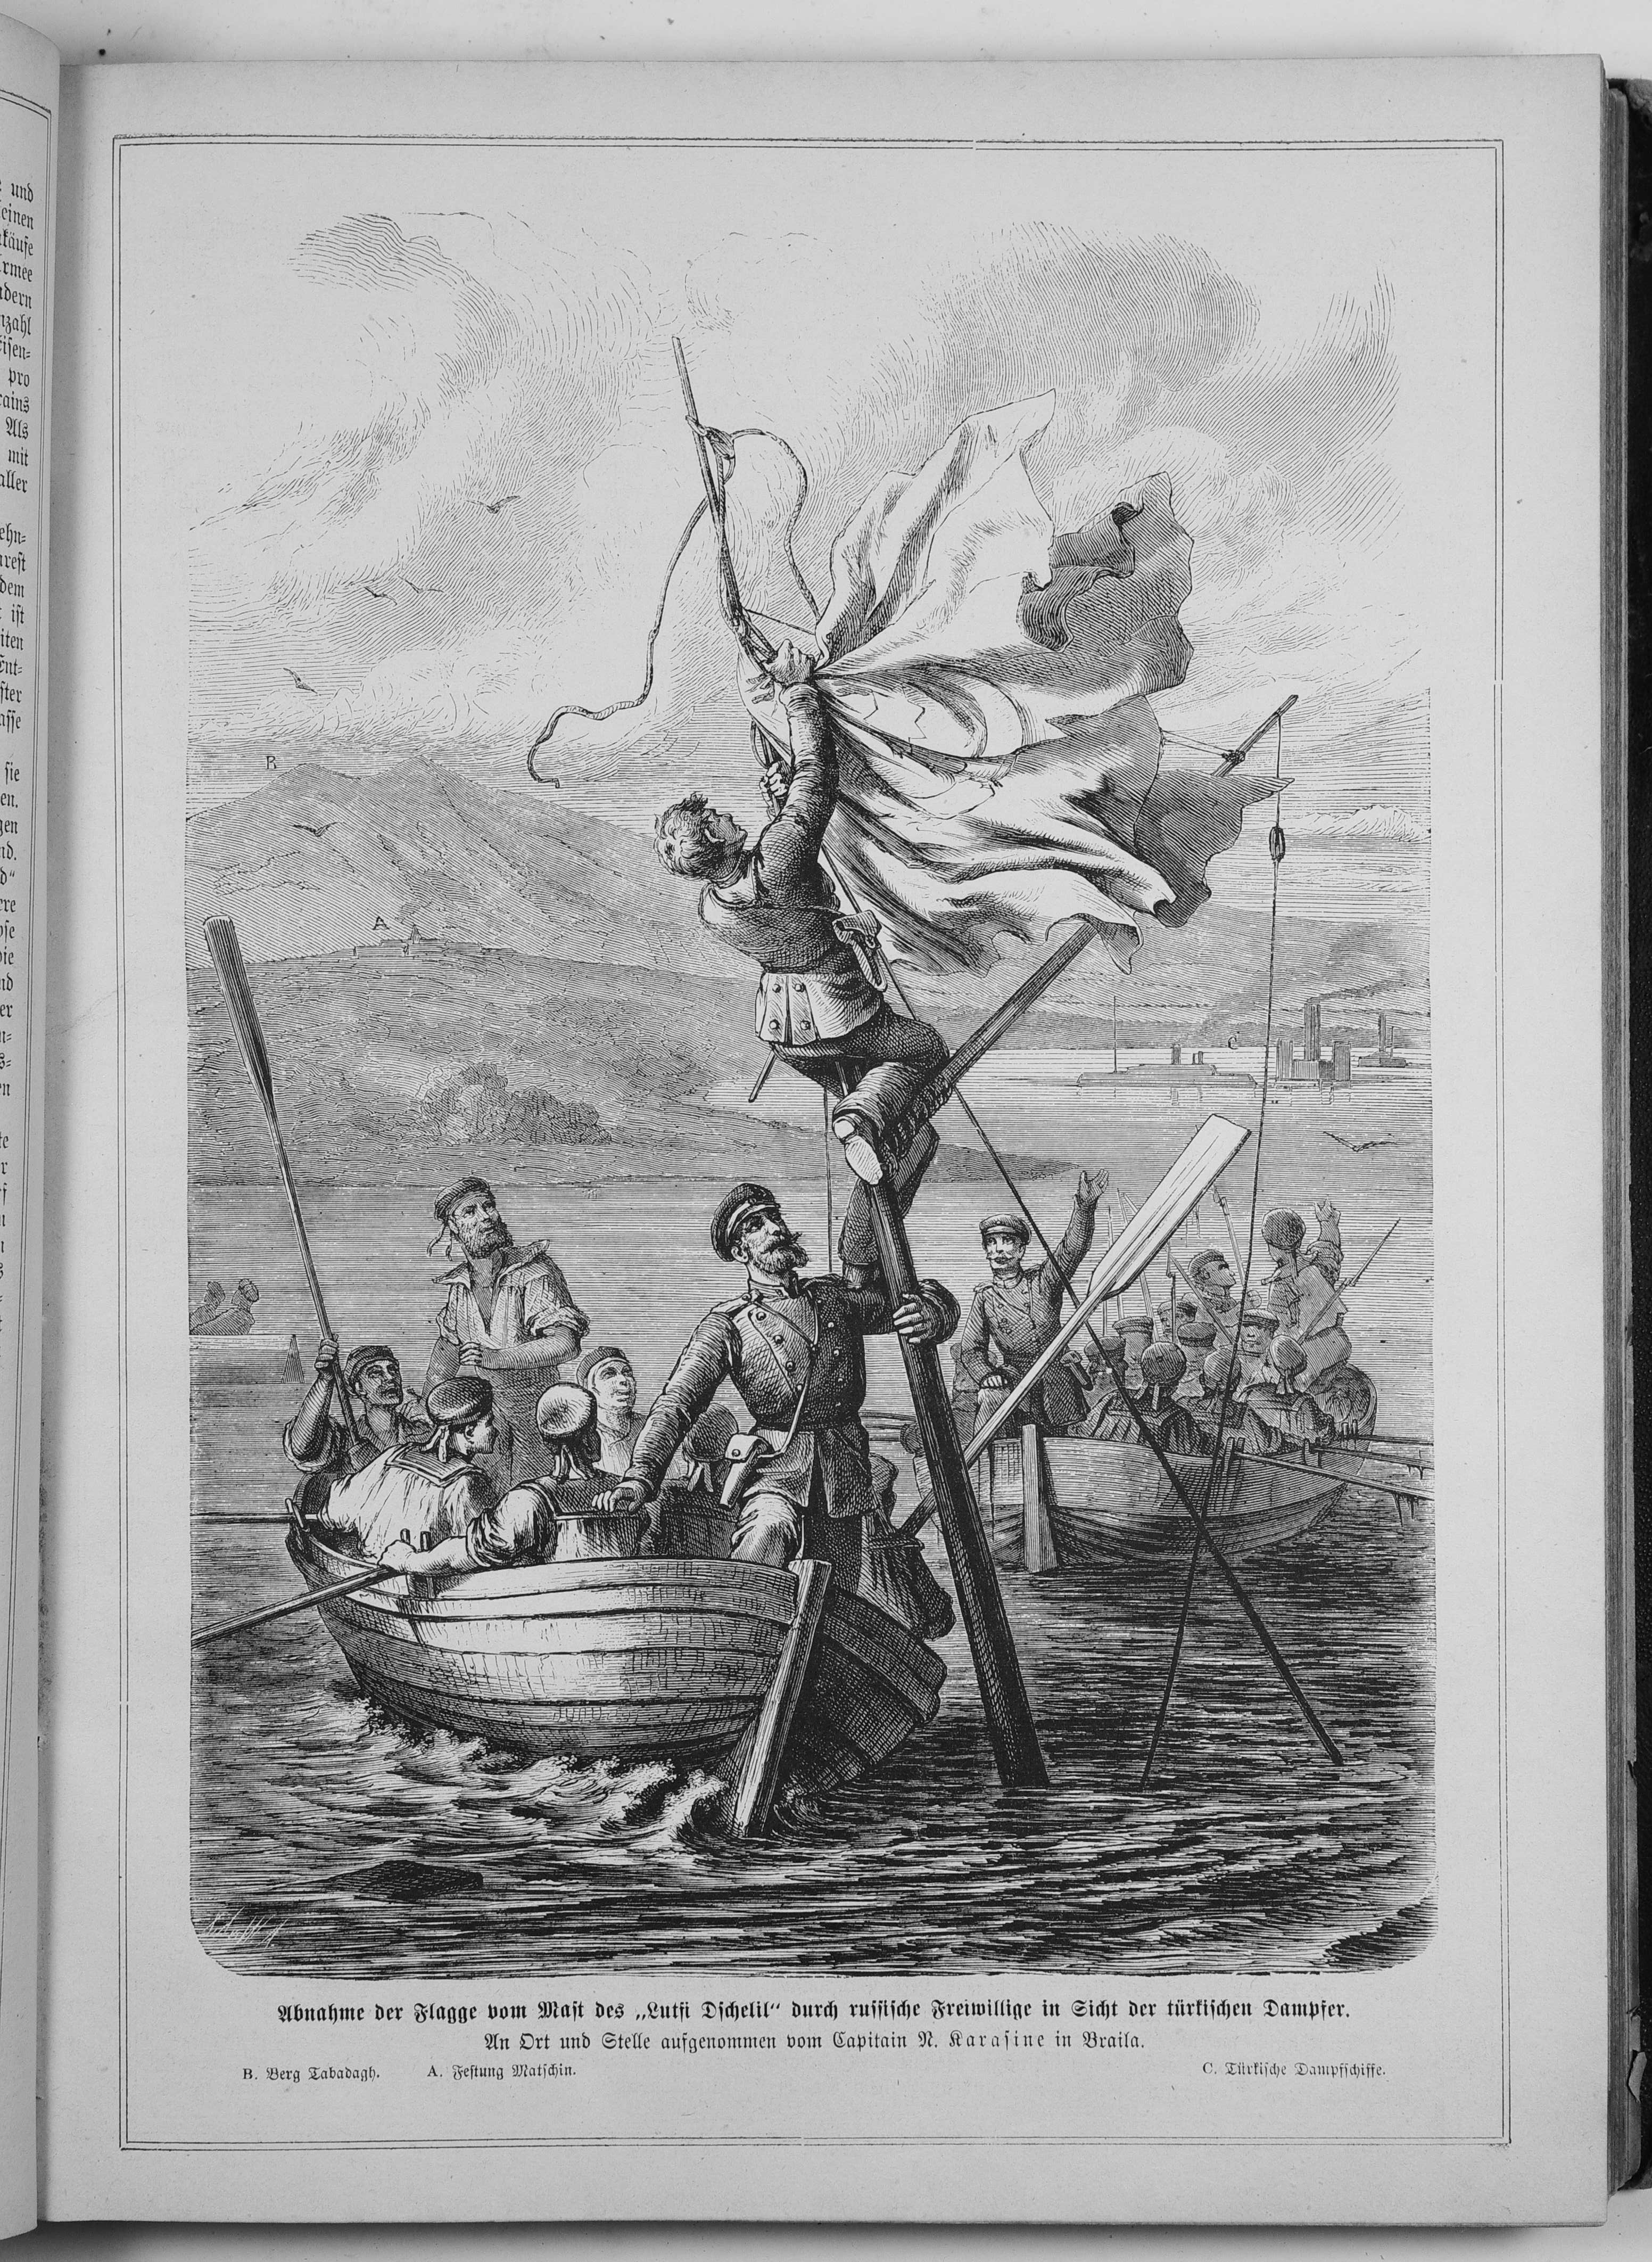Abnahme der Flagge vom Mast des „Lutsi Dschelil“ durch russische Freiwillige in Sicht der türkischen Dampfer.
An Ort und Stelle aufgenommen von Capitain N. Karasine in Braila.
B. Berg Tabadagh. A. Festung Matschin. C. Türkische Dampfschiffe.
